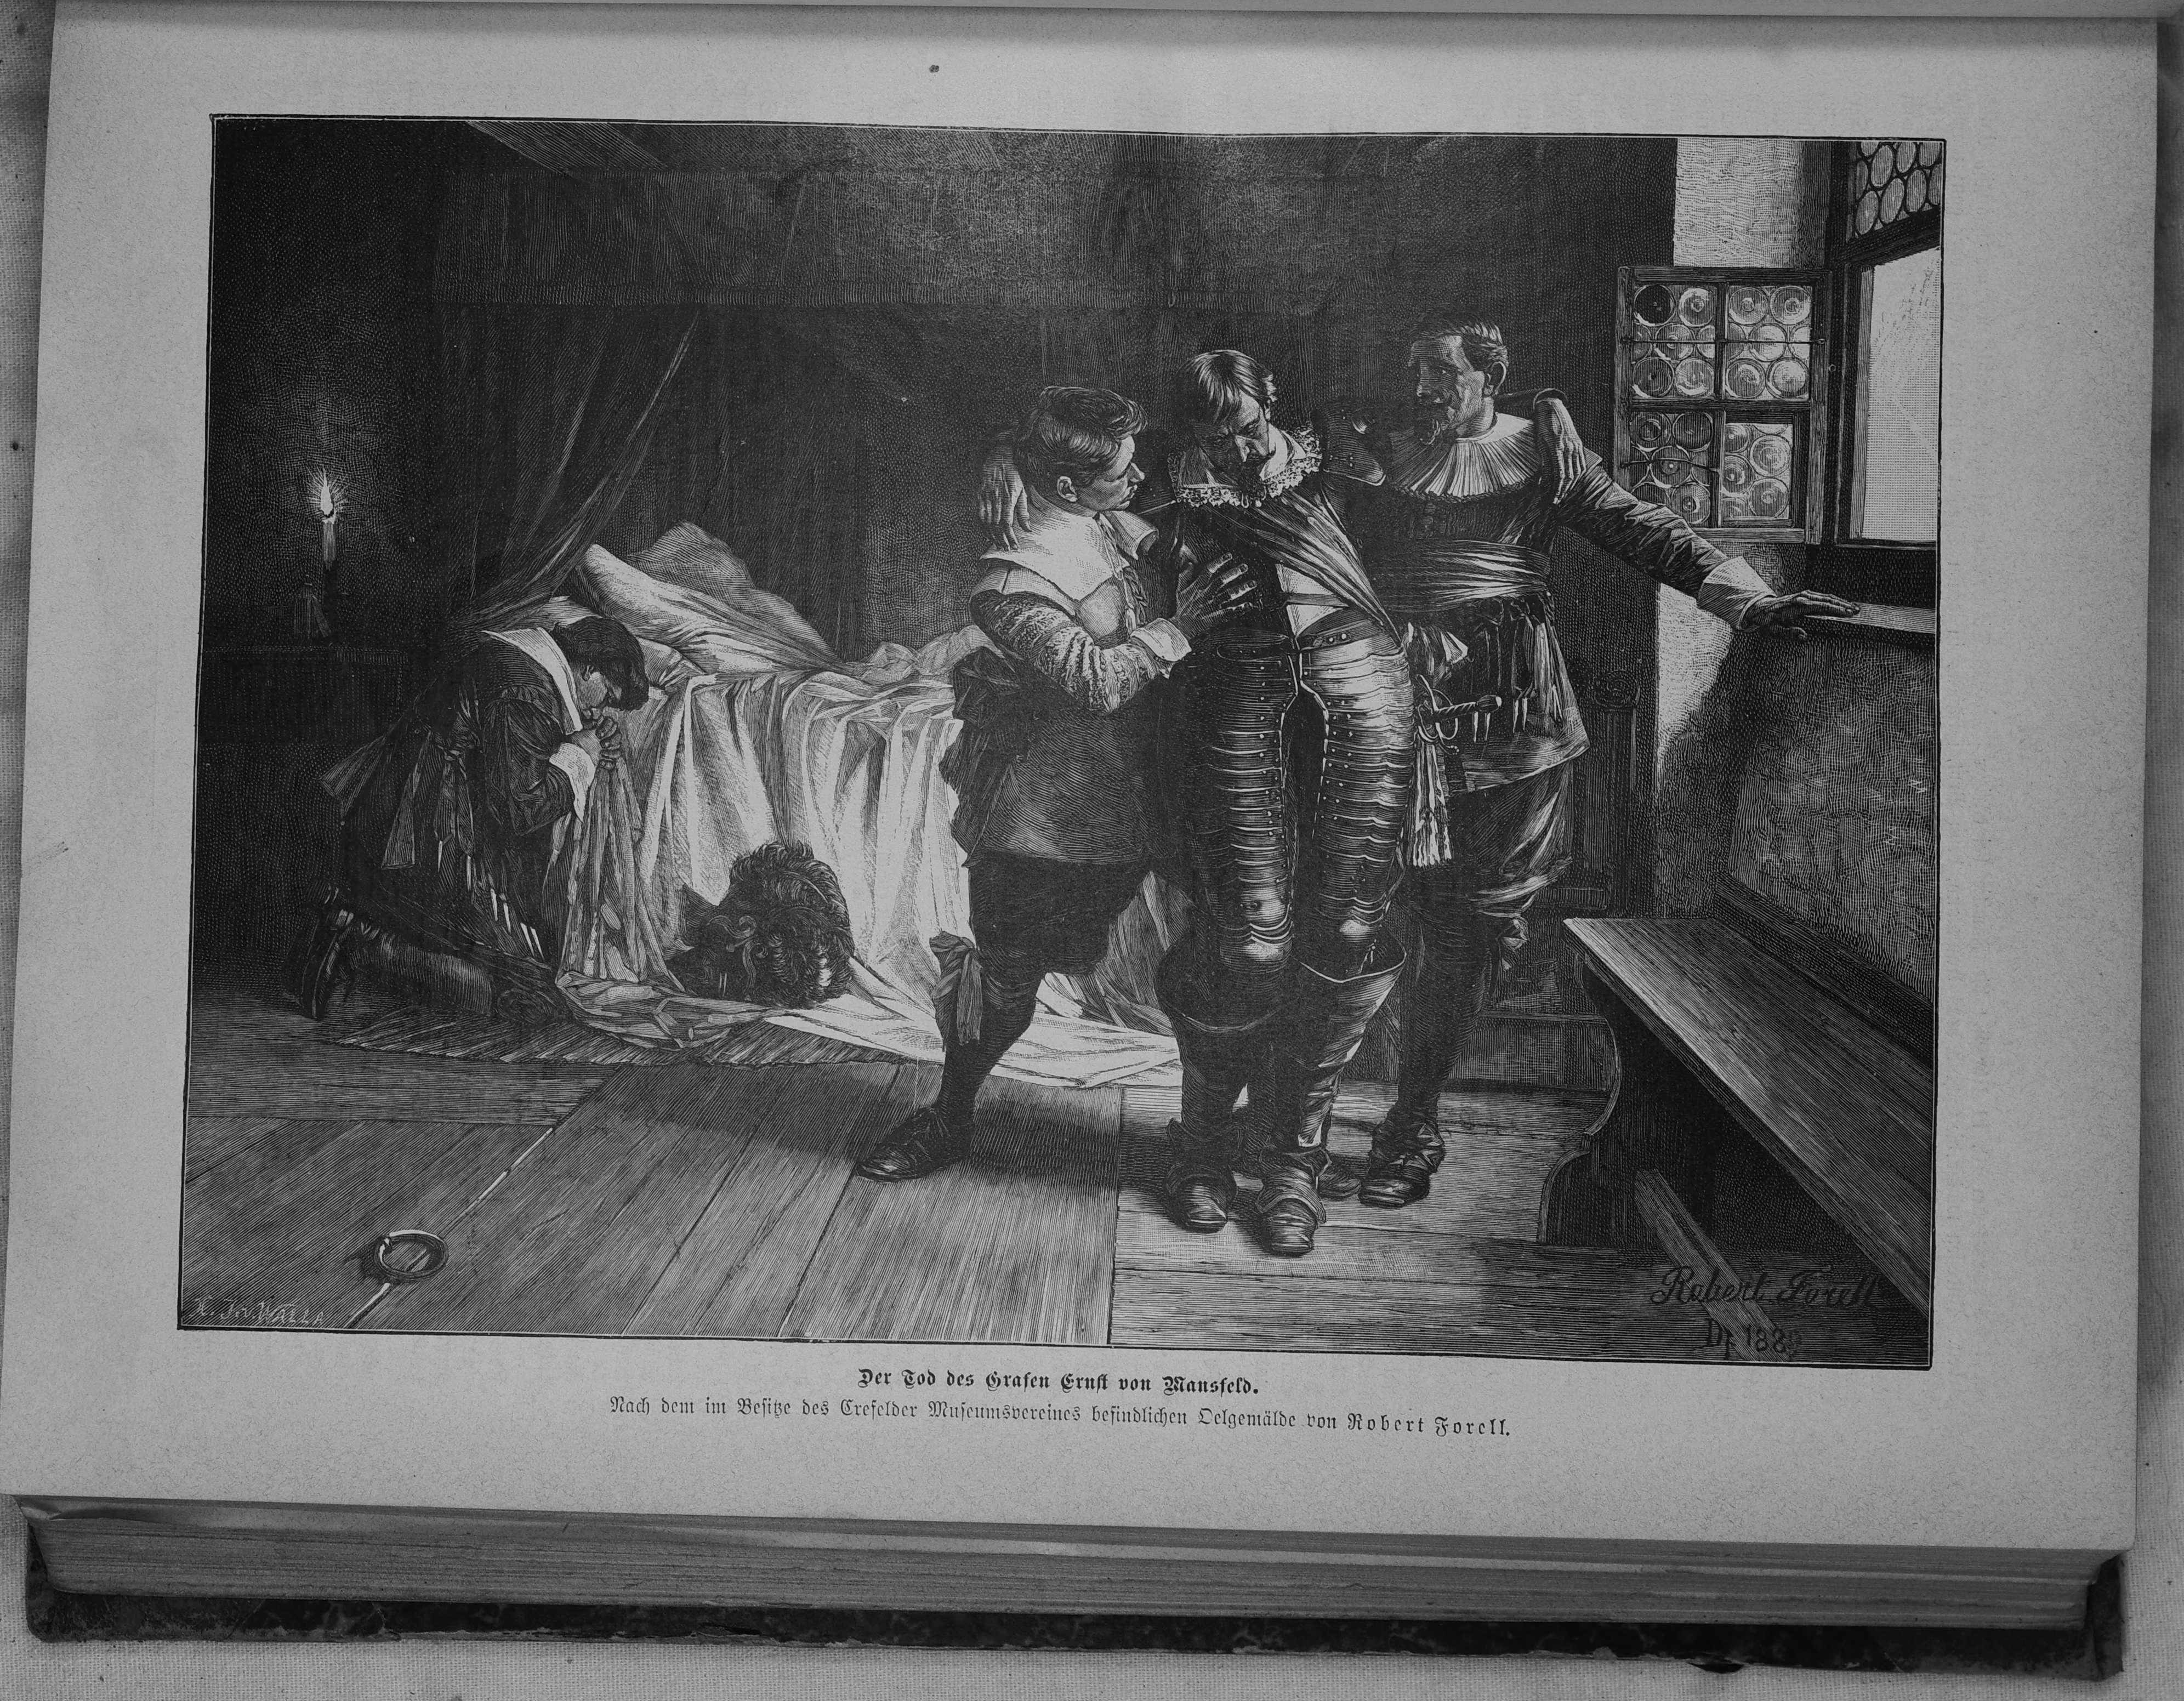Der Tod des Grafen von Mansfeld.
Nach dem im Besitze des Crefelder Museumsvereins befindlichen Oelgemälde von Robert Forell.
